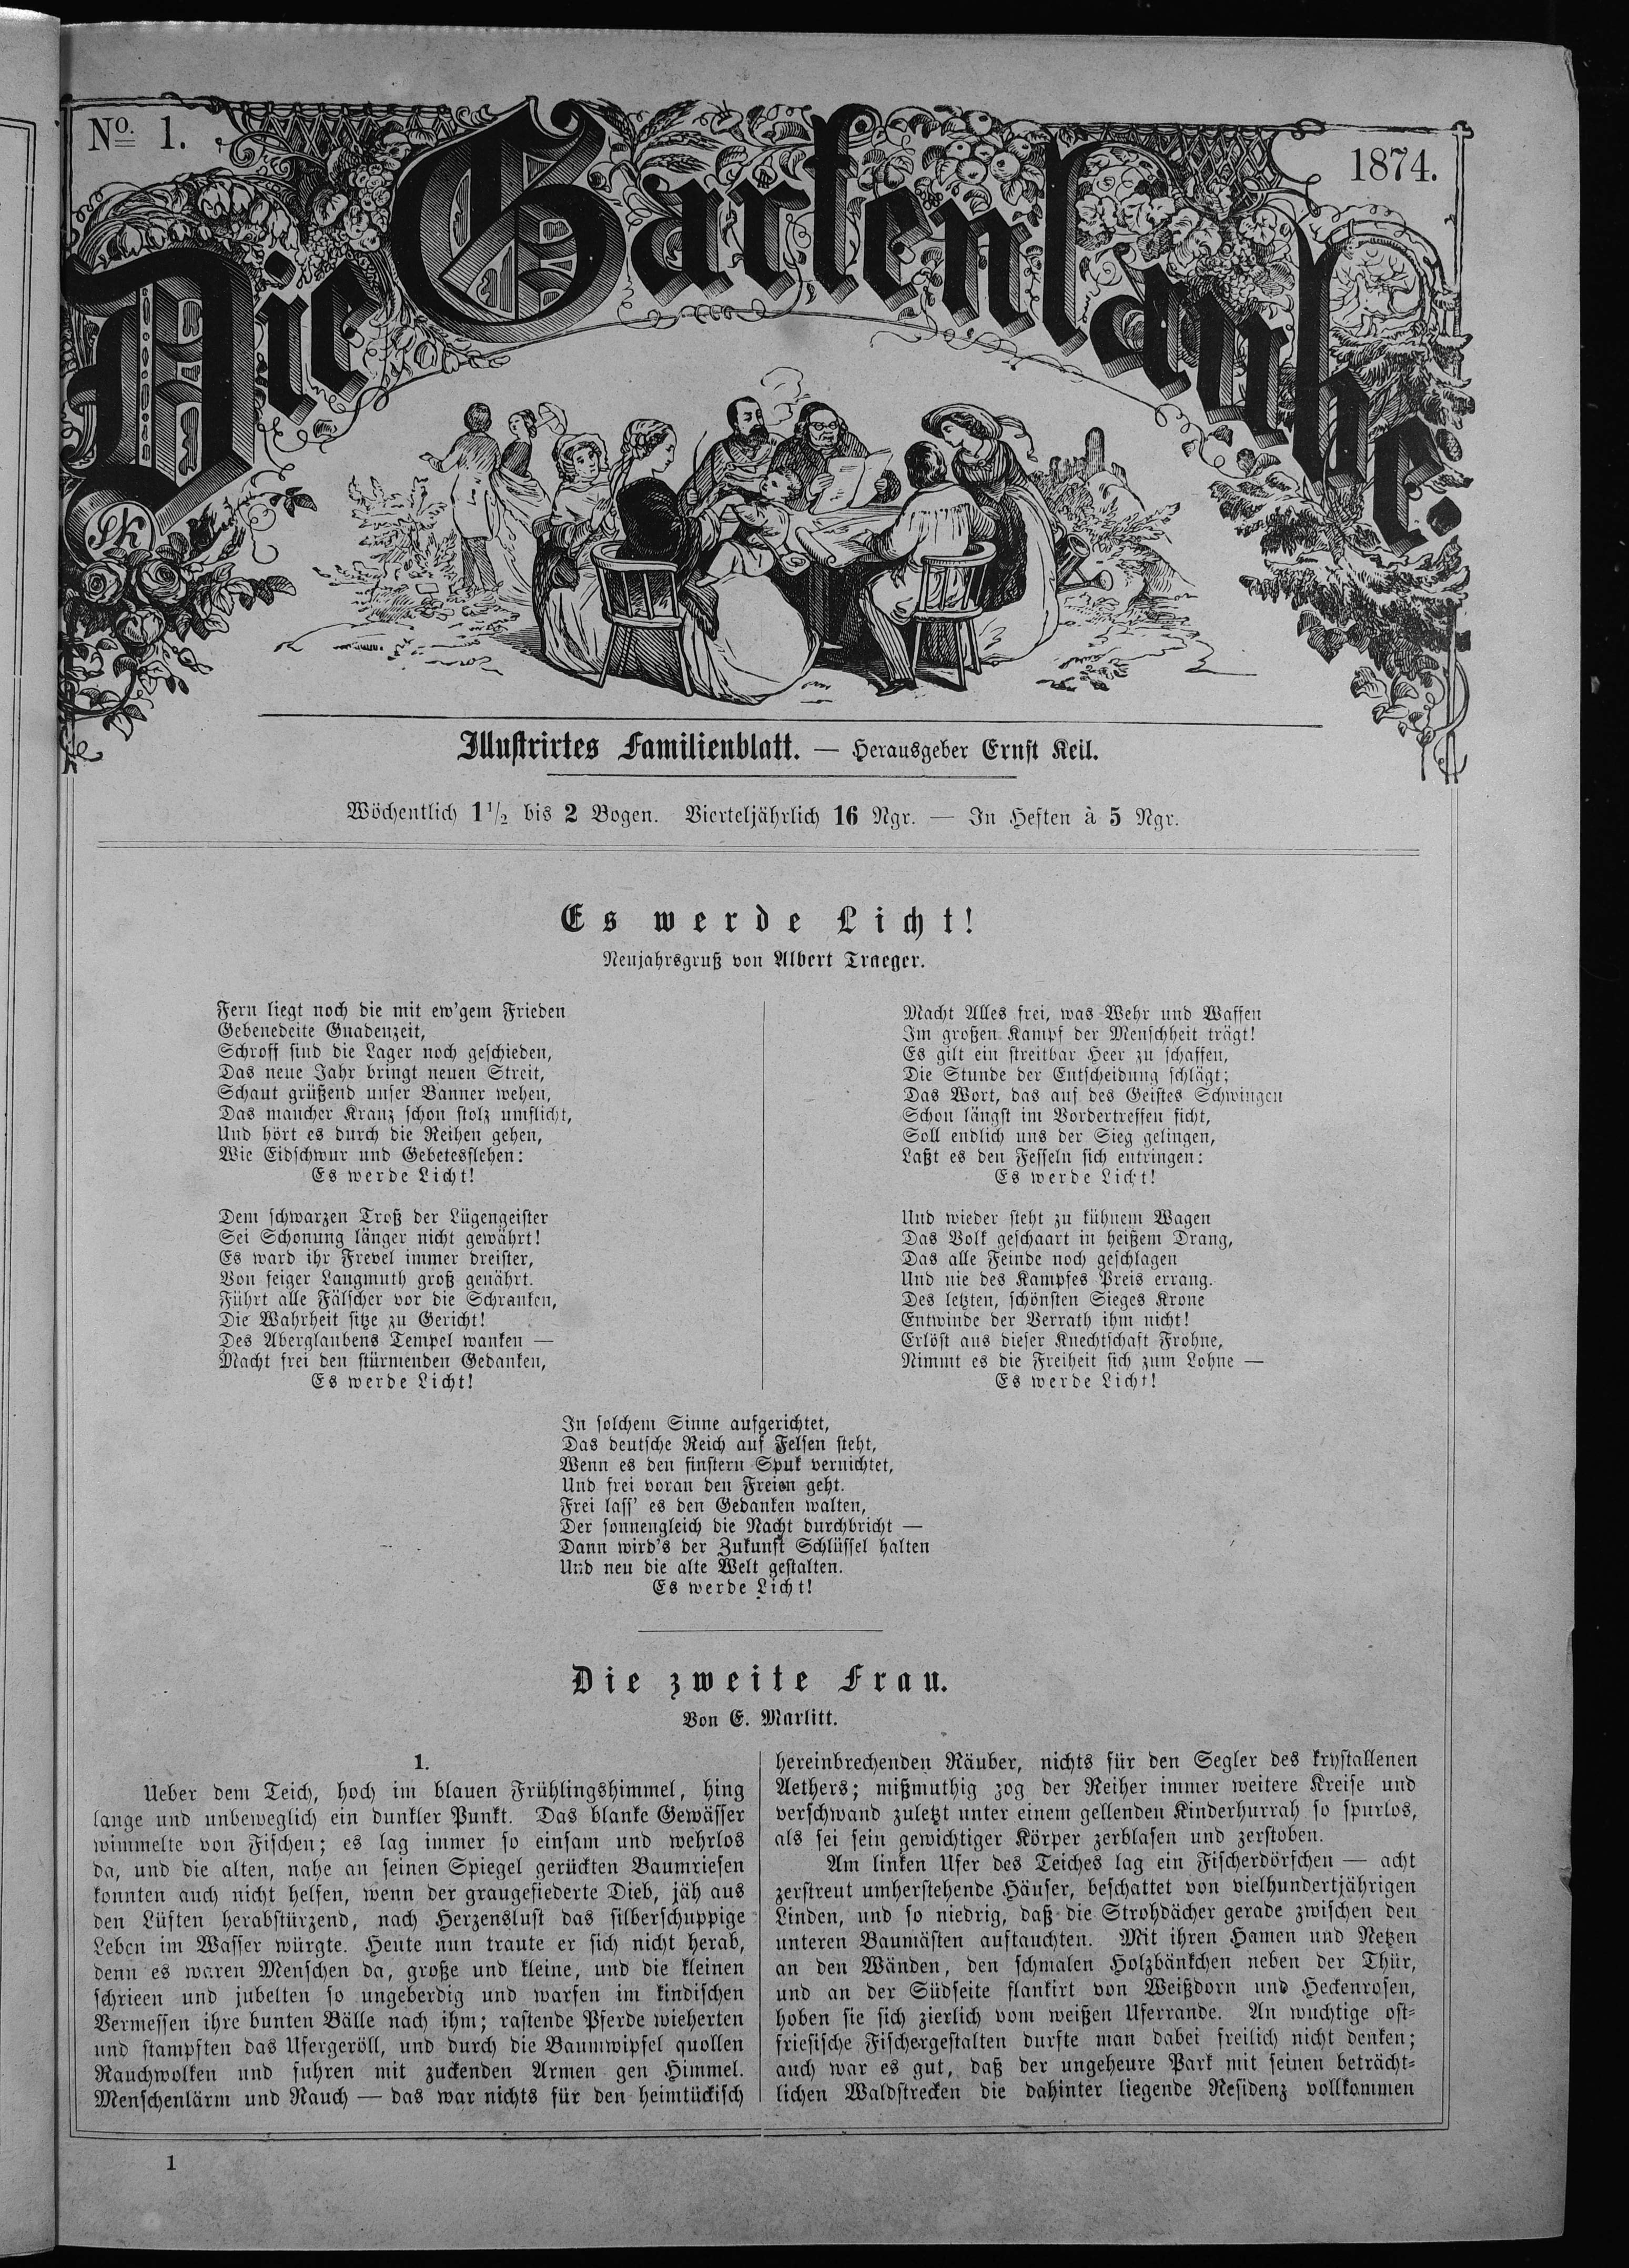No. 1. 1874.
Die Gartenlaube.

Illustrirtes Familienblatt. – Herausgeber Ernst Keil.

Wöchentlich 1½ bis 2 Bogen. Vierteljährlich 16 Ngr. – In Heften à 5 Ngr.

Es werde Licht!

Neujahrsgruß von Albert Traeger.

Fern liegt noch die mit ew’gem Frieden
Gebenedeite Gnadenzeit,
Schroff sind die Lager noch geschieden,
Das neue Jahr bringt neuen Streit,
Schaut grüßend unser Banner wehen,
Das mancher Kranz schon stolz umflicht,
Und hört es durch die Reihen gehen,
Wie Eidschwur und Gebetesflehen:
Es werde Licht!

Dem schwarzen Troß der Lügengeister
Sei Schonung länger nicht gewährt!
Es ward ihr Frevel immer dreister,
Von feiger Langmuth groß genährt.
Führt alle Fälscher vor die Schranken,
Die Wahrheit sitze zu Gericht!
Des Aberglaubens Tempel wanken –
Macht frei den stürmenden Gedanken,
Es werde Licht!

Macht Alles frei, was Wehr und Waffen
Im großen Kampf der Menschheit trägt!
Es gilt ein streitbar Heer zu schaffen,
Die Stunde der Entscheidung schlägt;
Das Wort, das auf des Geistes Schwingen,
Schon längst im Vordertreffen ficht,
Soll endlich uns der Sieg gelingen,
Laßt es den Fesseln sich entringen:
Es werde Licht!

Und wieder steht zu kühnem Wagen
Das Volk geschaart in heißem Drang,
Das alle Feinde noch geschlagen
Und nie des Kampfes Preis errang.
Des letzten, schönsten Sieges Krone
Entwinde der Verrath ihm nicht!
Erlöst aus dieser Knechtschaft Frohne,
Nimmt es die Freiheit sich zum Lohne –
Es werde Licht!

In solchem Sinne aufgerichtet,
Das deutsche Reich auf Felsen steht,
Wenn es den finstern Spuk vernichtet,
Und frei voran den Freien geht.
Frei lass’ es den Gedanken walten,
Der sonnengleich die Nacht durchbricht –
Dann wird’s der Zukunft Schlüssel halten
Und neu die alte Welt gestalten.
Es werde Licht!

Die zweite Frau.

Von E. Marlitt.

1.

Ueber dem Teich, hoch im blauen Frühlingshimmel, hing lange und unbeweglich ein dunkler Punkt. Das blanke Gewässer wimmelte von Fischen; es lag immer so einsam und wehrlos da, und die alten, nahe an seinen Spiegel gerückten Baumriesen konnten auch nicht helfen, wenn der graugefiederte Dieb, jäh aus den Lüften herabstürzend, nach Herzenslust das silberschuppige Leben im Wasser würgte. Heute nun traute er sich nicht herab, denn es waren Menschen da, große und kleine, und die kleinen schrieen und jubelten so ungeberdig und warfen im kindischen Vermessen ihre bunten Bälle nach ihm; rastende Pferde wieherten und stampften das Ufergeröll, und durch die Baumwipfel quollen Rauchwolken und fuhren mit zuckenden Armen gen Himmel. Menschenlärm und Rauch – das war nichts für den heimtückisch hereinbrechenden Räuber, nichts für den Segler des krystallenen Aethers; mißmuthig zog der Reiher immer weitere Kreise und verschwand zuletzt unter einem gellenden Kinderhurrah so spurlos, als sei sein gewichtiger Körper zerblasen und zerstoben.

Am linken Ufer des Teiches lag ein Fischerdörfchen – acht zerstreut umherstehende Häuser, beschattet von vielhundertjährigen Linden, und so niedrig, daß die Strohdächer gerade zwischen den unteren Baumästen auftauchten. Mit ihren Hamen und Netzen an den Wänden, den schmalen Holzbänkchen neben der Thür, und an der Südseite flankirt von Weißdorn und Heckenrosen, hoben sie sich zierlich vom weißen Uferrande. An wuchtige ostfriesische Fischergestalten durfte man dabei freilich nicht denken, auch war es gut, daß der ungeheure Park mit seinen beträchtlichen Waldstrecken die dahinter liegende Residenz vollkommen
